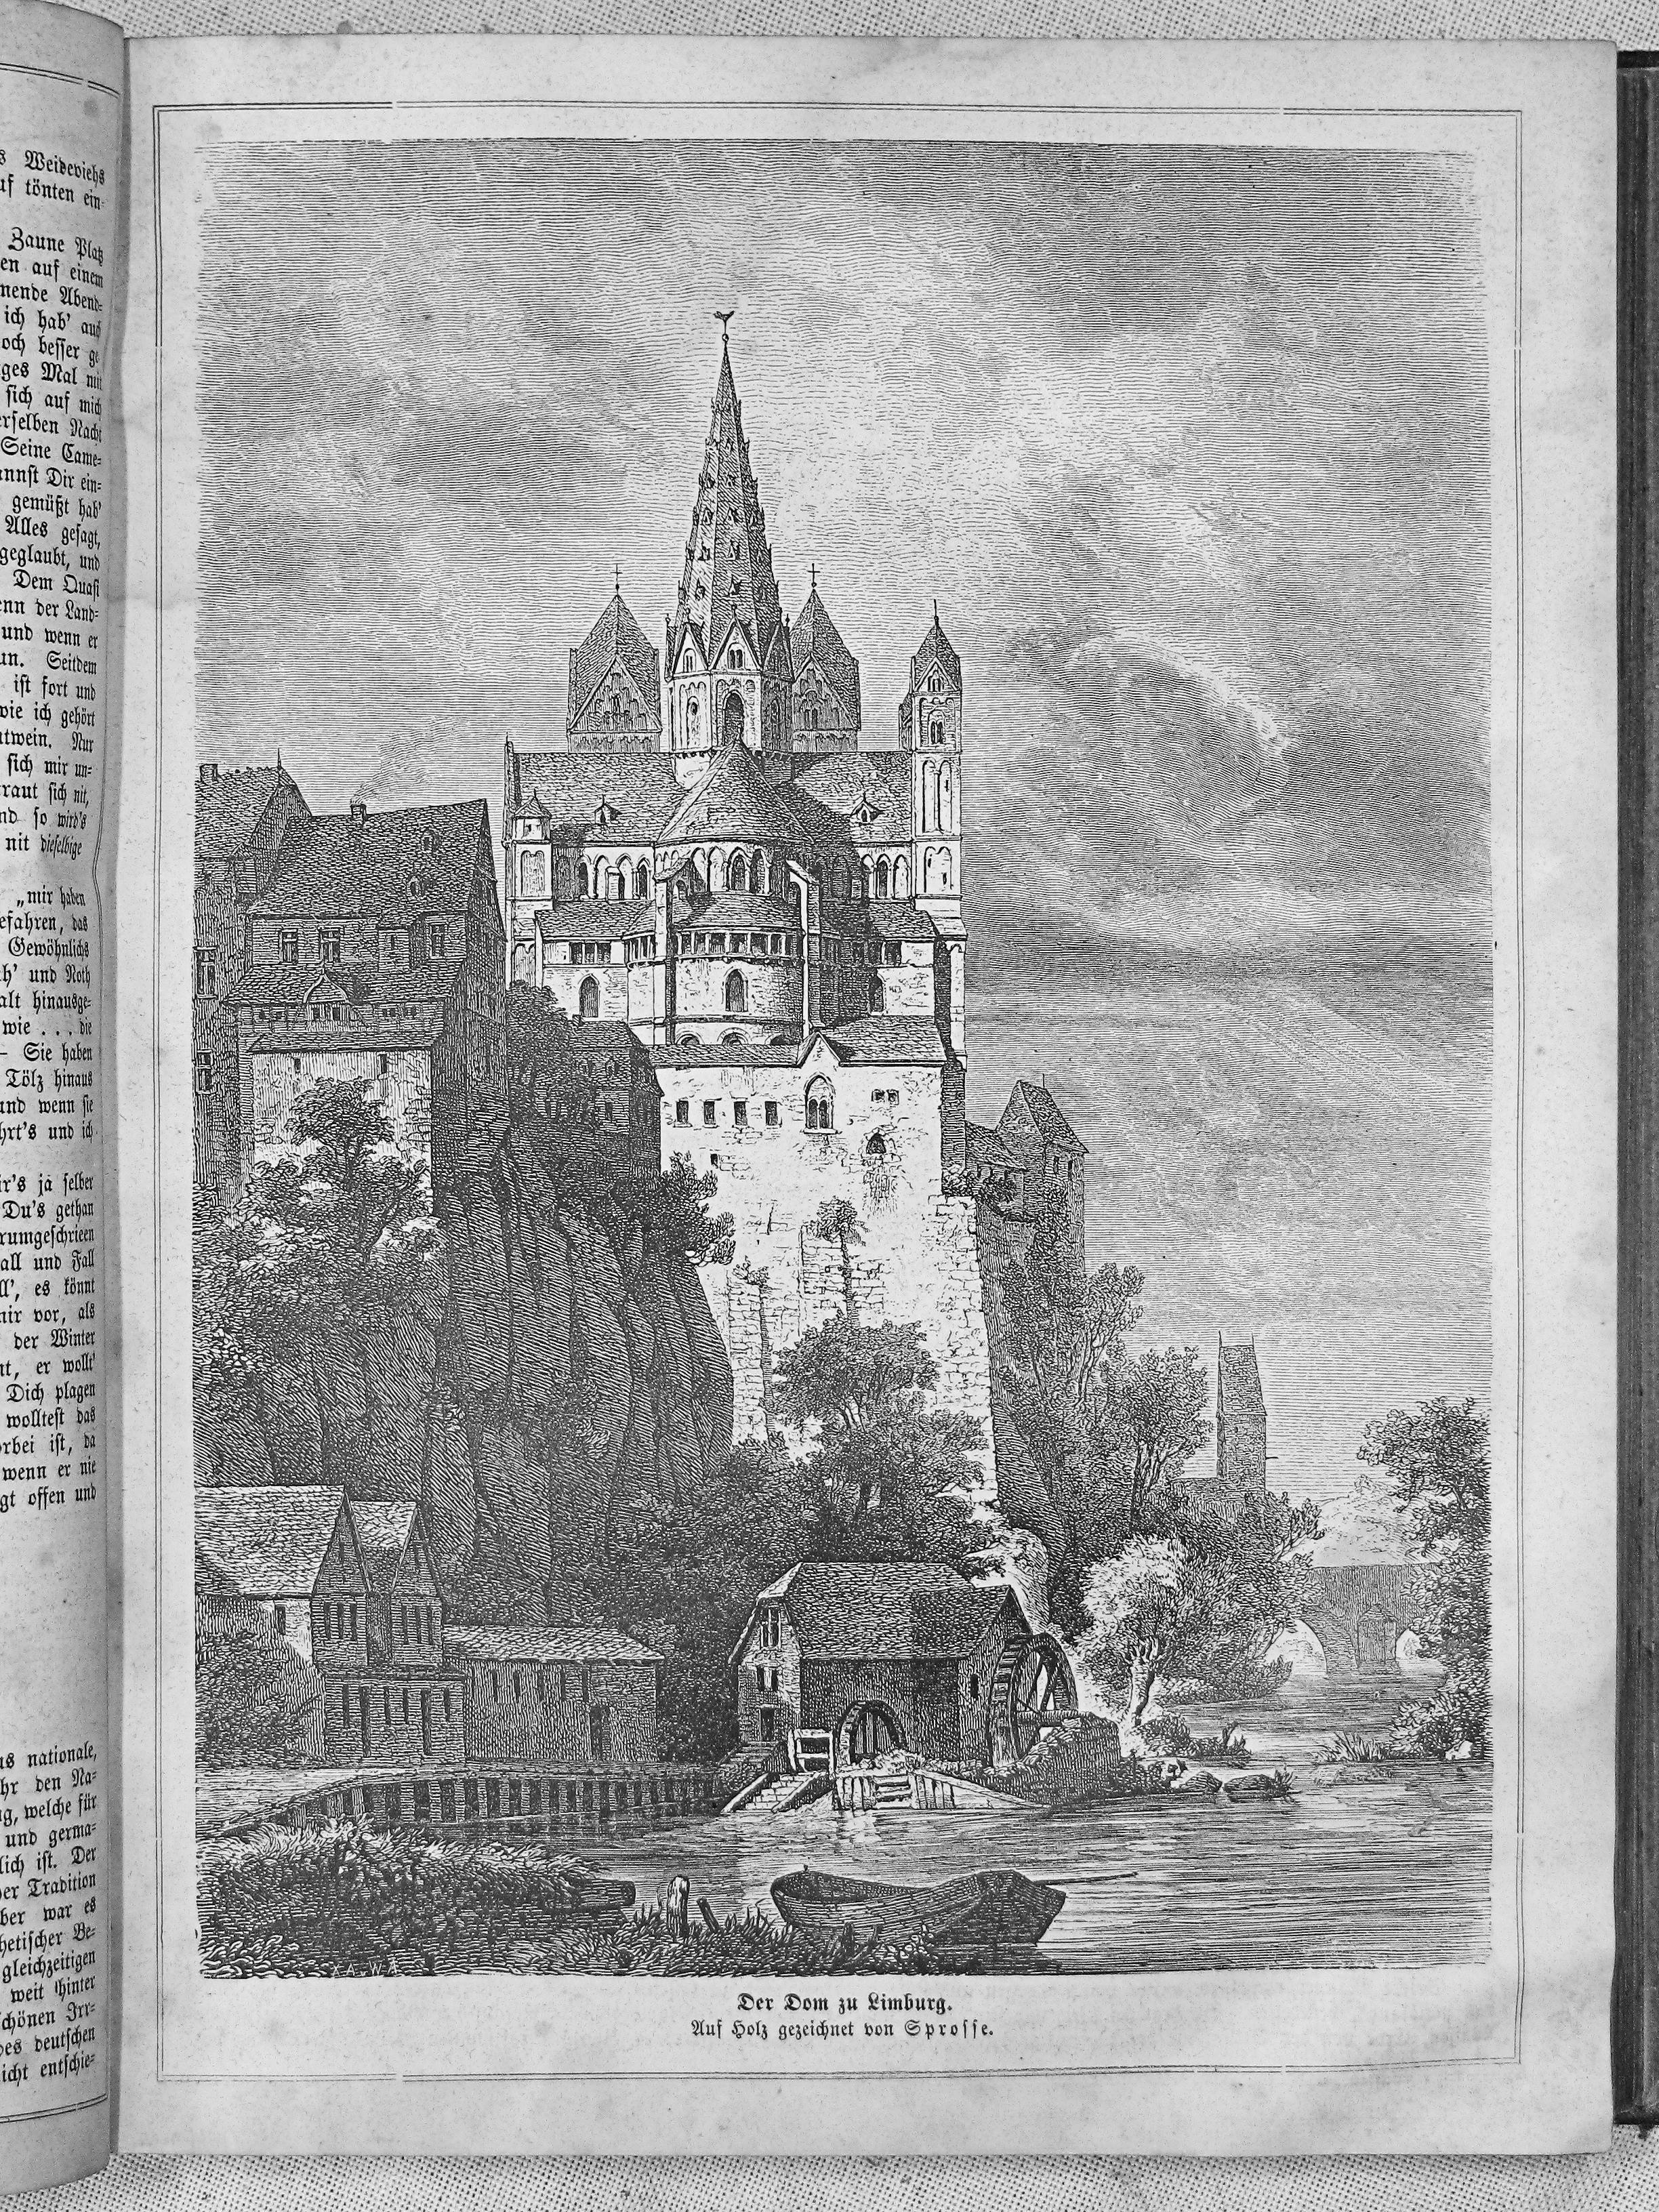Der Dom zu Limburg.
Auf Holz gezeichnet von Sprosse.
